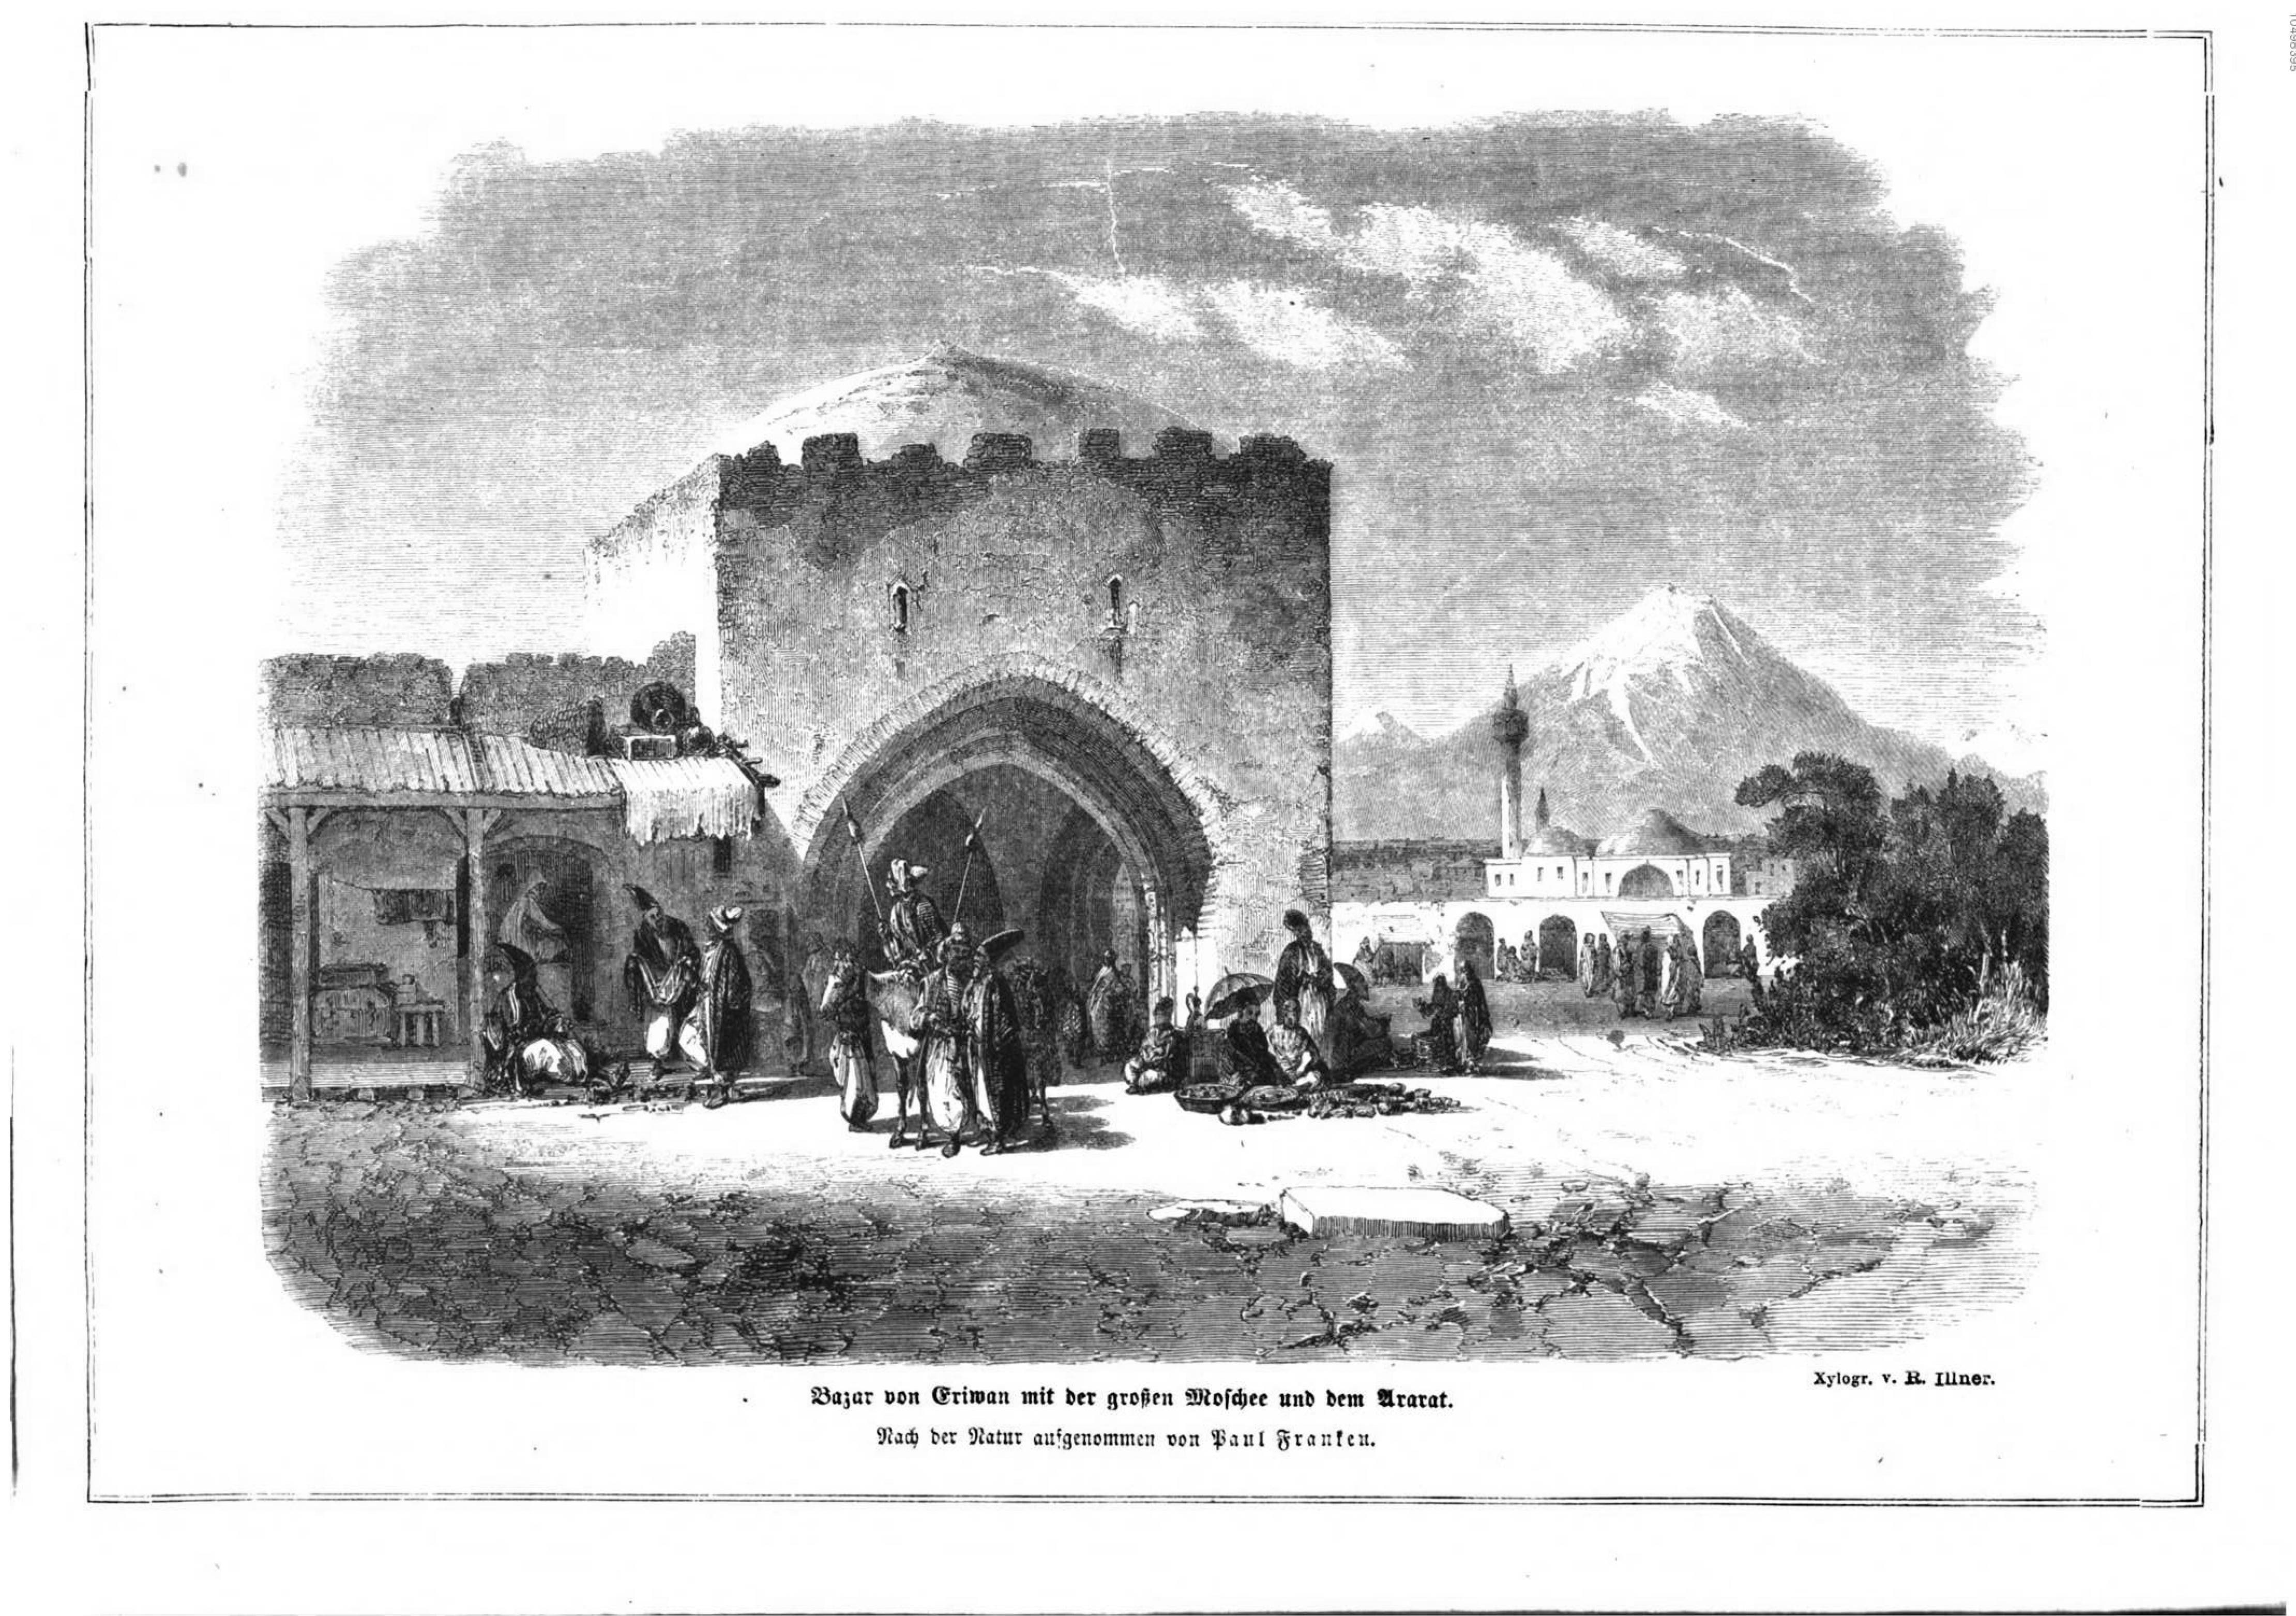Basar von Eriwan mit der großen Moschee und dem Ararat.
Nach der Natur aufgenommen von Paul Franken.
